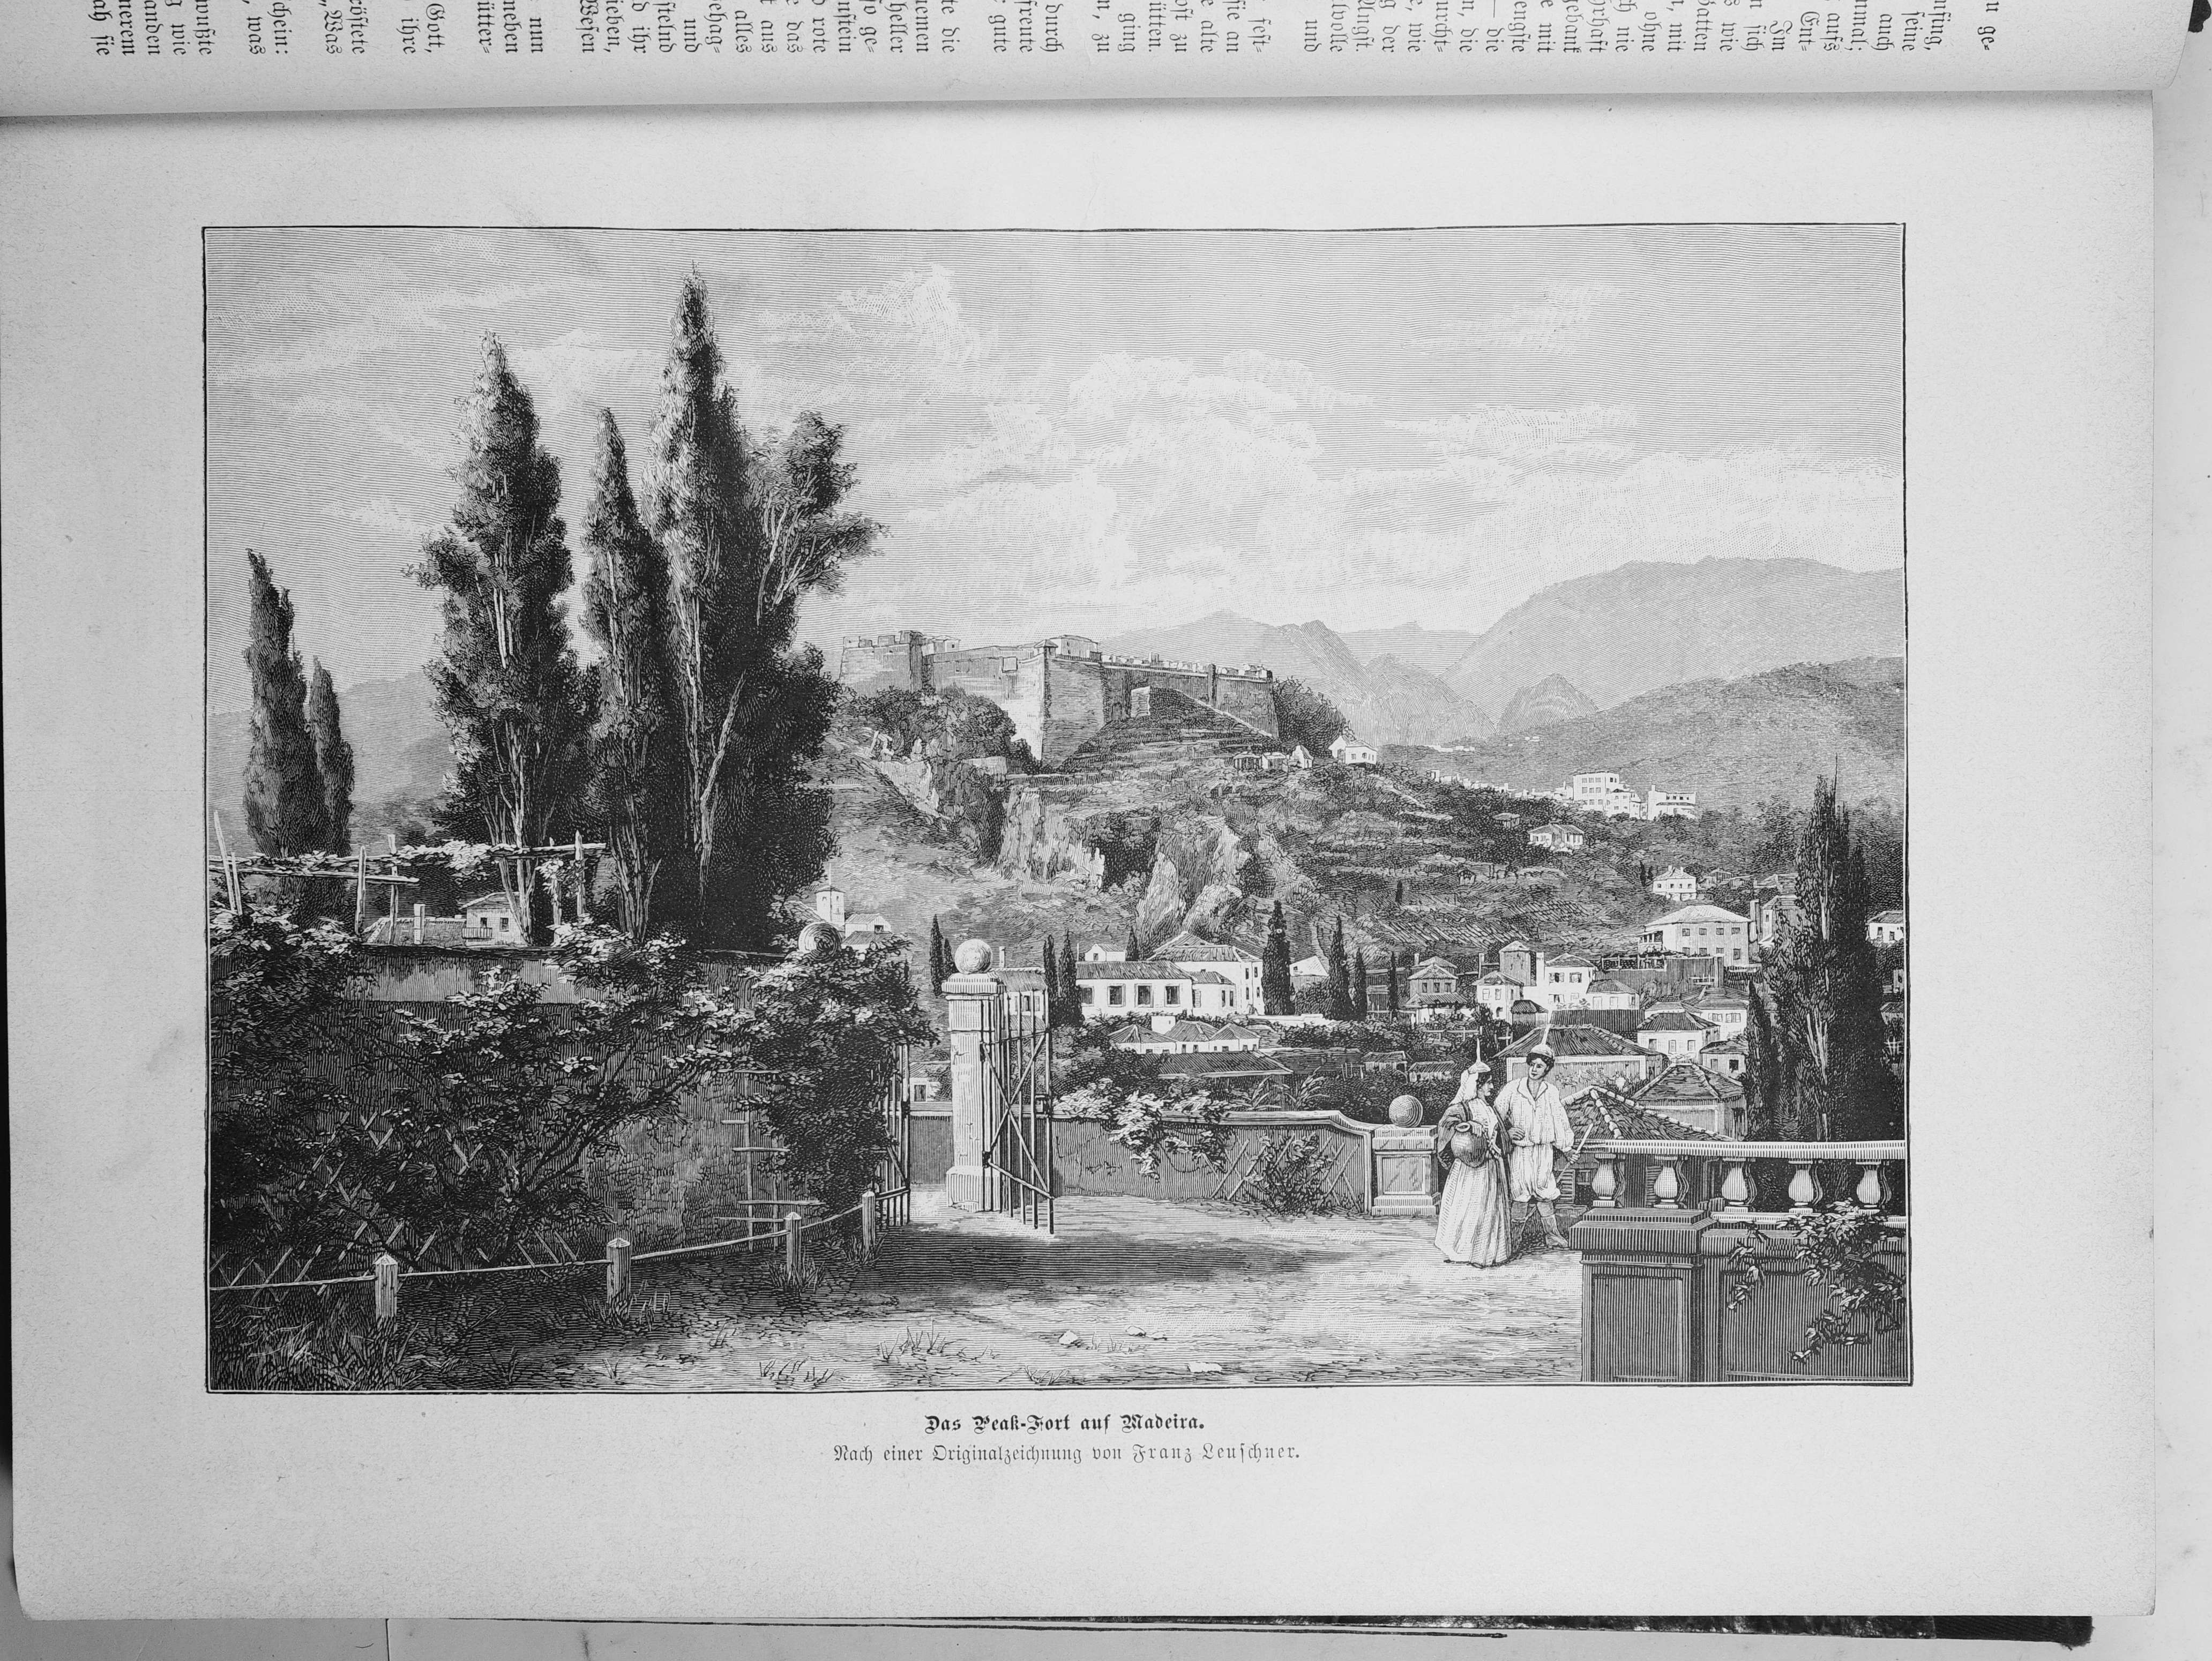Das Peak-Fort auf Madeira.
Nach einer Originalzeichnung von Franz Leuschner.
